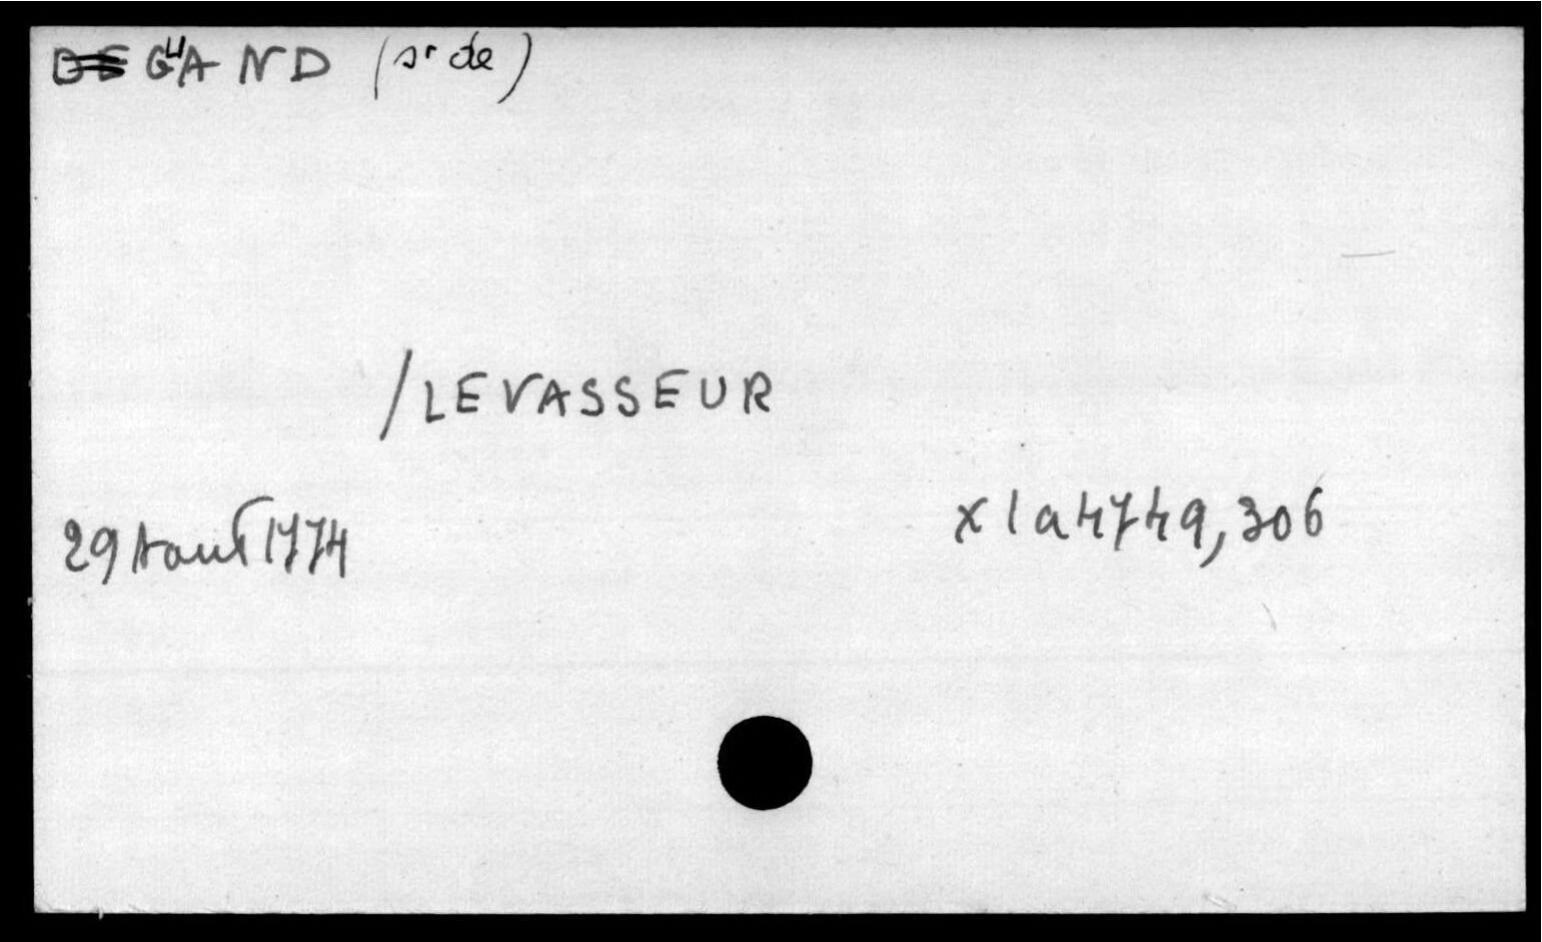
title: GUAND (sieur de)
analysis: Contre LEVASSEUR
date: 29 août 1774
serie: X1a
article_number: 4749
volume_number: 306
